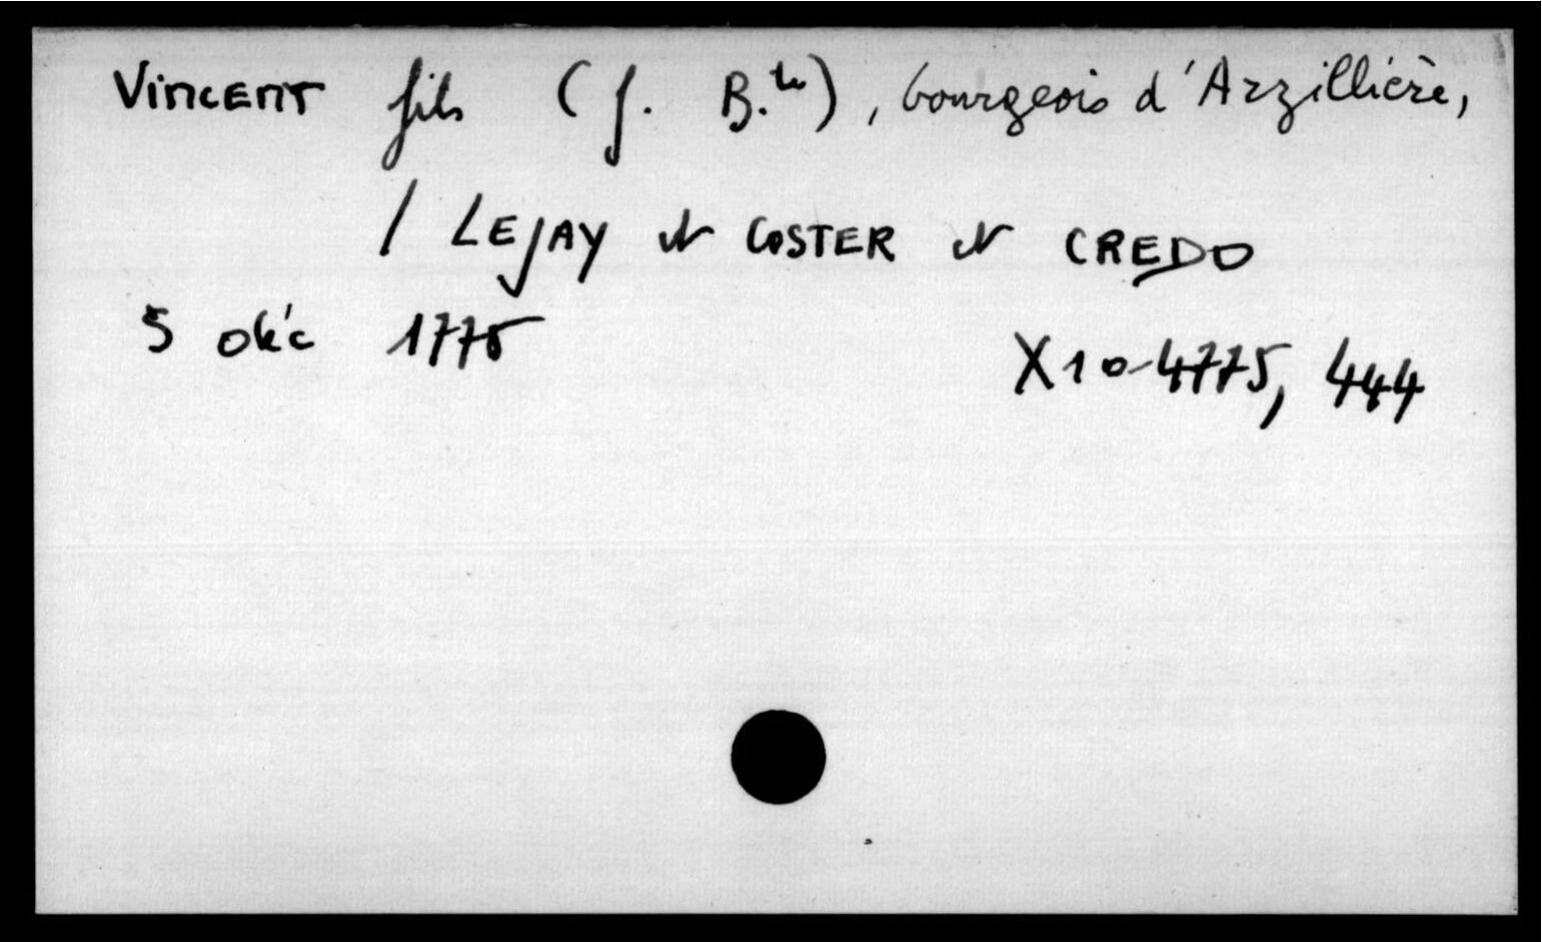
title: VINCENT fils (Jean Baptiste), bourgeois d'Arzillière
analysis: Contre LEJAY et COSTER et CREDO
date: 5 décembre 1775
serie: X1a
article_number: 4775
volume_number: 444
